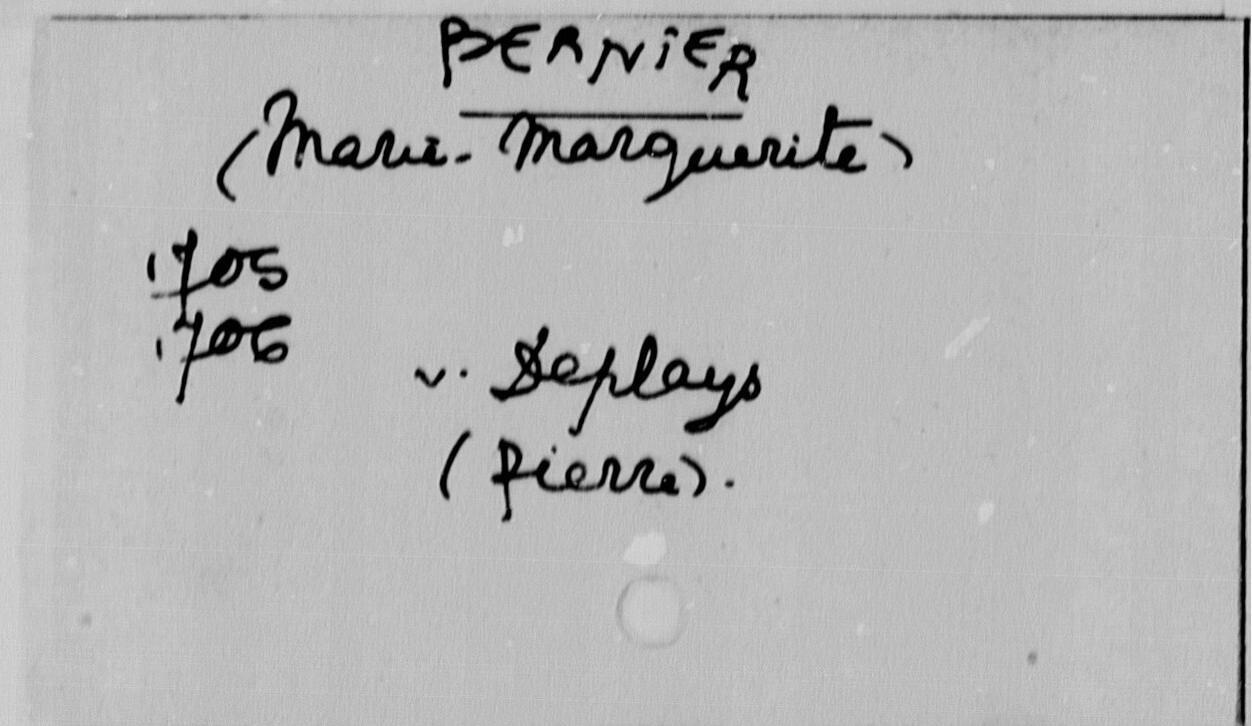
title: BERNIER (Marie-Marguerite)
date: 1705-1706
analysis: Voir Deplays (Pierre)
